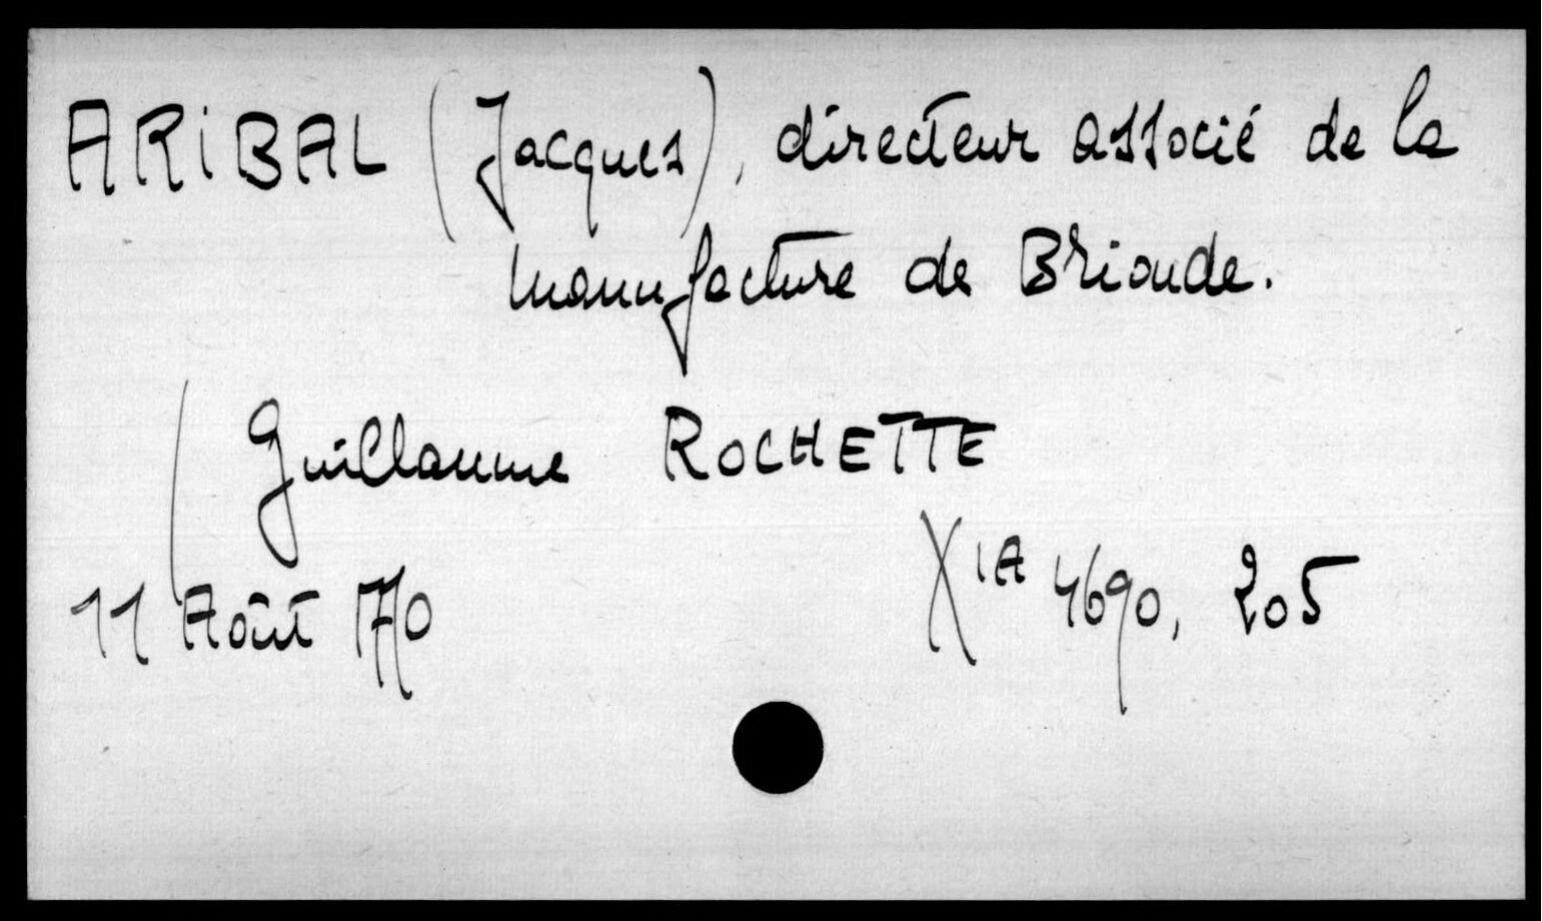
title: ARIBAL (Jacques), directeur associé de la manufacture de Brioude.
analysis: Contre Guillaume ROCHETTE
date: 11 août 1770
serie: X1A
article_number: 4690
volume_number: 205
